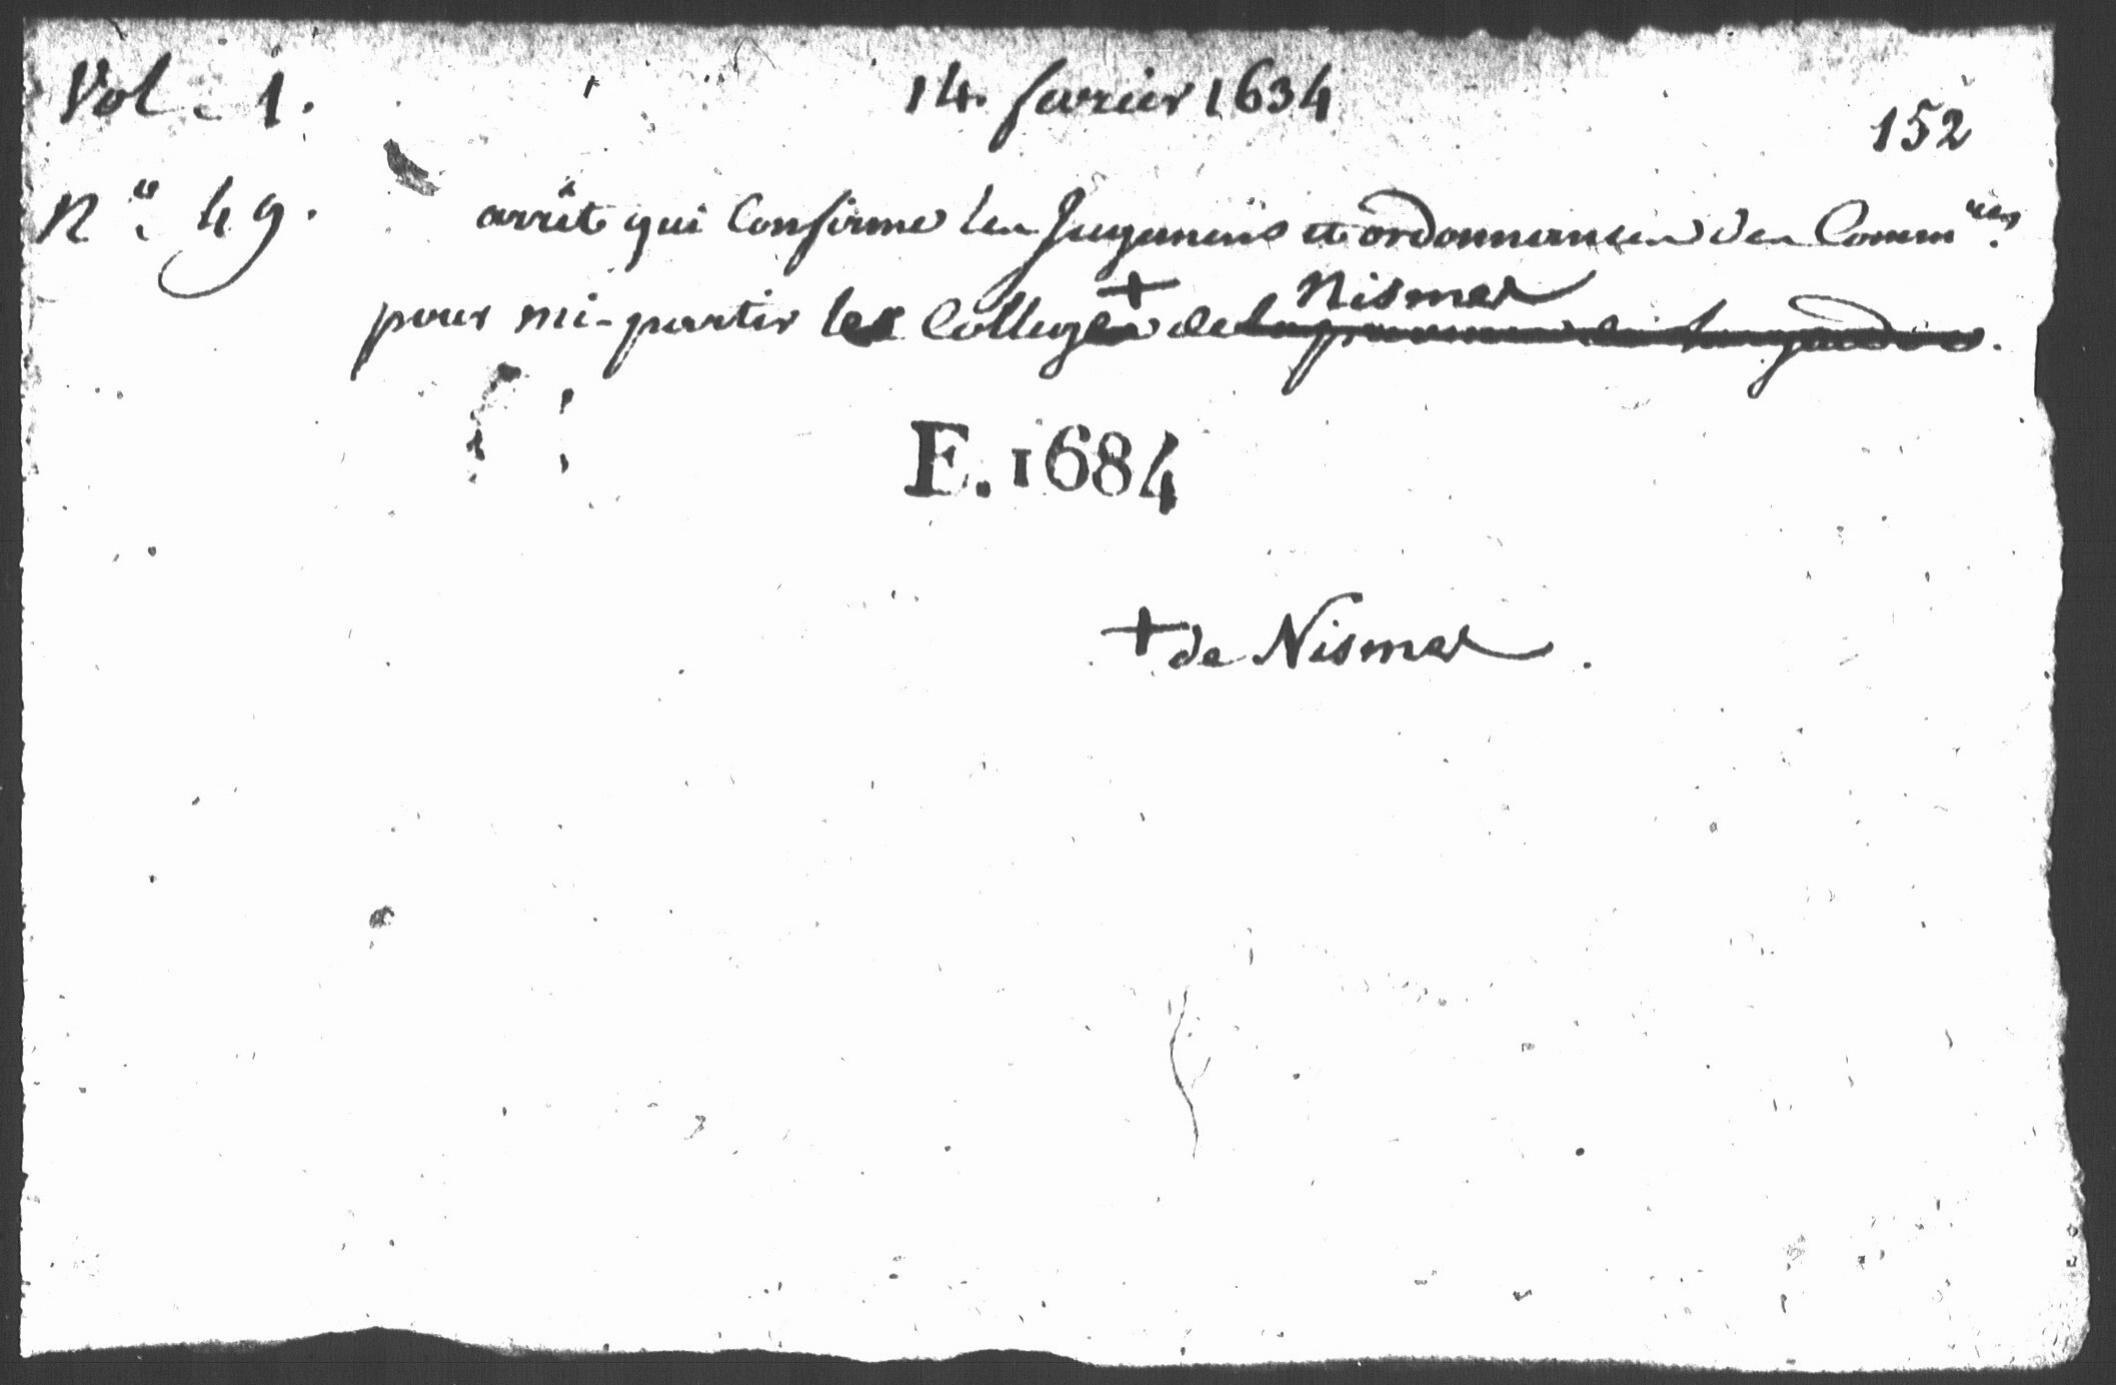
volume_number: n°49
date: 14 février 1634
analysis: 152
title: arrêt qui confirme les jugemens et ordonnances des commres pour mi-partir le college de Nismes de [la province de Languedoc, barré] Nismes
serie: E
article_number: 1684
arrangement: vol. 1
